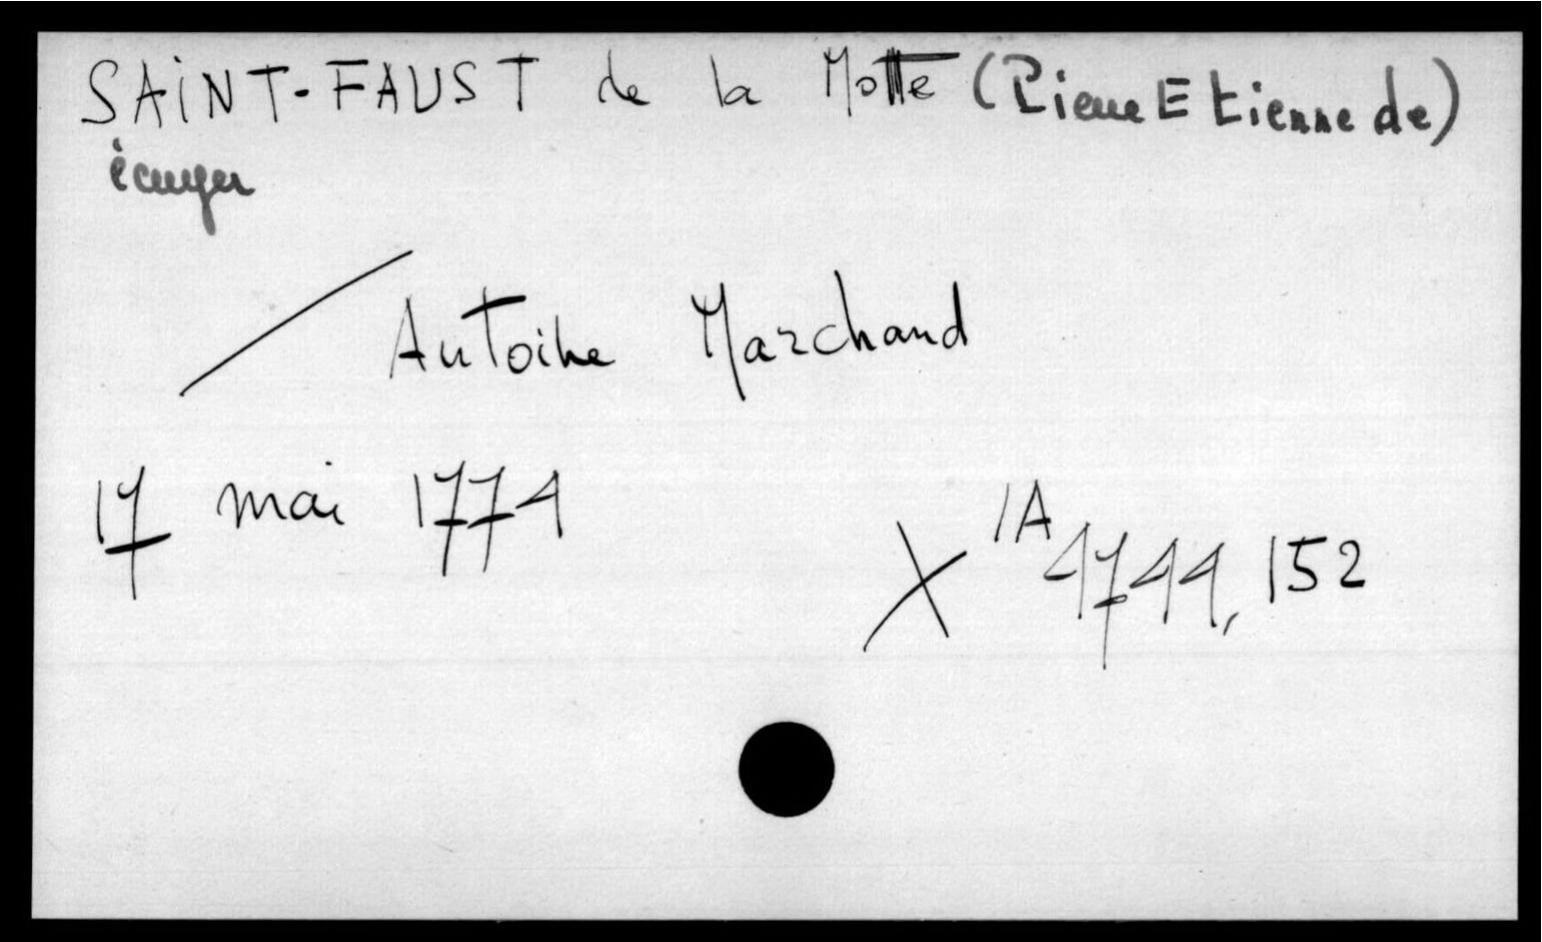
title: SAINT-FAUST de la Motte (Pierre Etienne de) écuyer
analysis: Contre Antoine Marchand
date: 17 mai 1774
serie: X1A
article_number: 4744
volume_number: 152
